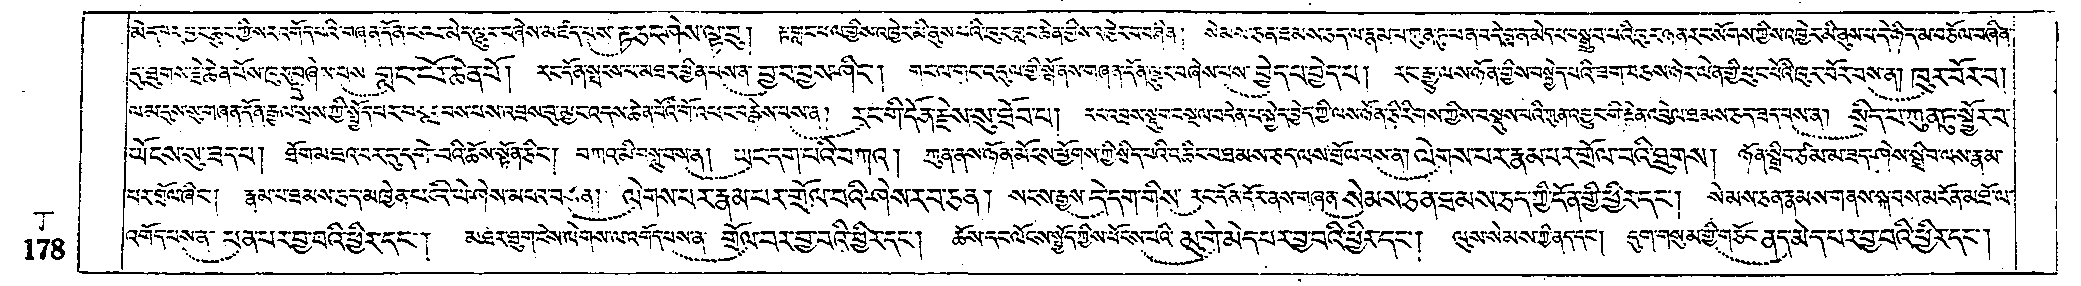མེད་པར་བྱང་ཆུབ་ཀྱི་སར་འགོད་པའི་གཞན་དོན་ངལ་མེད་ལྷུར་བཞེས་མཛད་པས་རྟ་ཅང་ཤེས་ལྟ་བུ། རྟ་གླང་ཕལ་གྱིས་འཁྱེར་མི་ནུས་པའི་ཁུར་གླང་ཆེན་གྱིས་འཁྱེར་བ་བཞིན། སེམས་ཅན་ཐམས་ཅད་ལ་རྣམ་པ་ཀུན་ཏུ་ཕན་བདེ་བླ་ན་མེད་པ་བསྒྲུབ་པའི་ཁུར་ཉན་རང་སོགས་ཀྱིས་འཁྱེར་མི་ནུས་པ་དེ་ཉིད་མ་བཅོལ་བཞིན་
དུ་ཐུགས་རྗེ་ཆེན་པོས་ཁུར་དྲ་བཞེས་པས་གླང་པོ་ཆེན་པོ། རང་དོན་སྤངས་པ་མཐར་ཕྱིན་པས་ན་བྱ་བ་བྱས་ཤིང་། གང་ལ་གང་འདུལ་གྱི་སྒོ་ནས་གཞན་དོན་ལྷུར་བཞེས་པས་བྱེད་པ་བྱེད་པ། རང་རྒྱུ་ལས་ཉོན་གྱིས་བསྐྱེད་པའི་ཟག་བཅས་ཉེར་ལེན་གྱི་ཕུང་པོའི་ཁུར་བོར་བས་ན།  ཁུར་བོར་བ།
ལམ་དུས་སུ་གཞན་དོན་རྒྱལ་སྲས་ཀྱི་སྤྱོད་པར་བསླབས་པས་འབྲས་བུ་མྱང་འདས་ཆེན་པོའི་གོ་འཕང་བརྙེས་པས་ན།  རང་གི་དོན་རྗེས་སུ་ཐོབ་པ། རང་འབྲས་སྡུག་བསྔལ་བདེན་པ་སྐྱེད་བྱེད་ཀྱི་ལས་ཉོན་ཅི་རིགས་ཀྱིས་བསྡུས་པའི་ཀུན་འབྱུང་གི་རྟེན་འབྲེལ་ཐམས་ཅད་ཟད་པས་ན།  སྲིད་པ་ཀུན་ཏུ་སྦྱོར་བ་
ཡོངས་སུ་ཟད་པ། ཐོག་མཐའ་བར་དུ་དགེ་བའི་ཆོས་སྟོན་ཅིང་། བཀའ་མི་བསླུ་བས་ན།  ཡང་དག་པའི་བཀའ། ཀུན་ནས་ཉོན་མོངས་ཕྱོགས་ཀྱི་སྲིད་པའི་འཆིང་བ་ཐམས་ཅད་ལས་གྲོལ་བས་ན།  ལེགས་པར་རྣམ་པར་གྲོལ་བའི་ཐུགས། ཉོན་སྒྲིབ་ཙམ་མ་ཟད་ཤེས་སྒྲིབ་ལས་རྣམ་
པར་གྲོལ་ཞིང་། རྣམ་པ་ཐམས་ཅད་མཁྱེན་པའི་ཡེ་ཤེས་མངའ་བཙན། ལེགས་པར་རྣམ་པར་གྲོལ་བའི་ཤེས་རབ་ཅན། སངས་རྒྱས་དེ་དག་གིས་རང་དོན་དོར་ནས་གཞན་སེམས་ཅན་ཐམས་ཅད་ཀྱིས་དོན་གྱི་ཕྱིར་དང་། སེམས་ཅན་རྣམས་གནས་སྐབས་མངོན་མཐོ་ལ་
འགོད་པས་ན་ཕན་པར་བྱ་བའི་ཕྱིར་དང་། མཐར་ཐུག་ངེས་ལེགས་ལ་འགོད་པས་ན་གྲོལ་བར་བྱ་བའི་ཕྱིར་དང་། ཆོས་དང་ལོངས་སྤྱོད་ཀྱིས་ཕོངས་པའི་མུ་གེ་མེད་པར་བྱ་བའི་ཕྱིར་དང་། ལུས་སེམས་ཀྱི་ནད་དང་། དུག་གསུམ་གྱི་གཅོང་ནད་མེད་པར་བྱ་བའི་ཕྱིར་དང་།